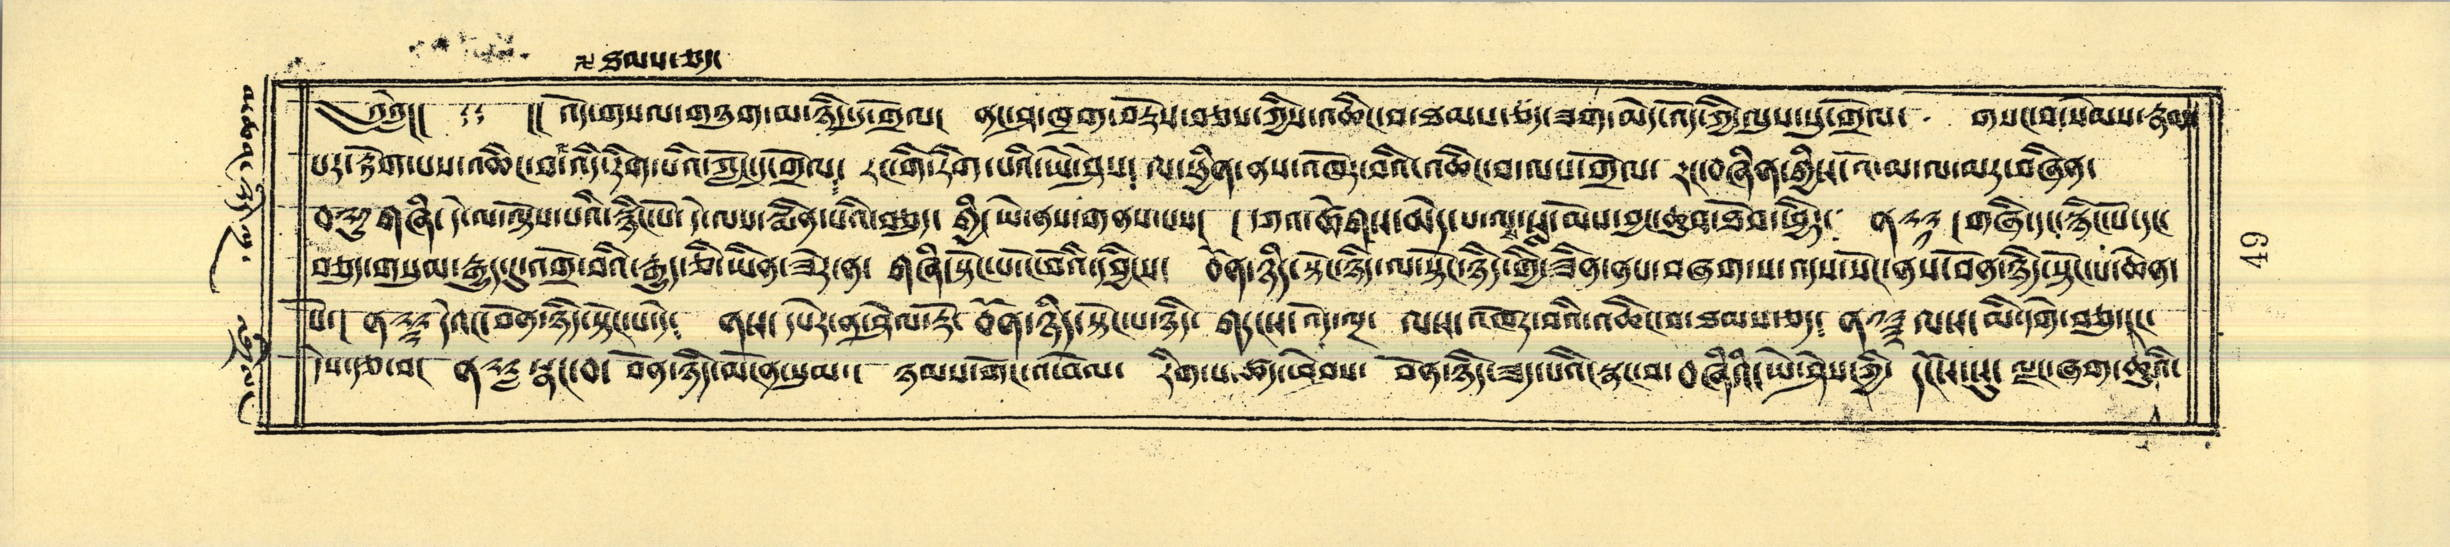འོད་གསལ་གཉུག་མ་ཉིད་དུ་གྲོལ། ནང་ཤ་ཁྲག་གདོས་བཅས་ཀྱི་འཆིང་བ་ཐམས་ཅད་ཟག་མེད་འོད་ཀྱི་ལུས་སུ་གྲོལ། གསང་བ་སེམས་རྣམ་
པར་རྟོག་པས་འཆིང་བ་ཐམས་ཅད་འདི་རིག་པའི་ཀློང་དུ་གྲོལ། རང་གི་རིག་པའི་ཡེ་ཤེས་ ༼ལ་ཕྱིན༽ནས་འཁོར་བའི་འཆིང་བ་ལས་གྲོལ། ༼རང་བཞིན་གྱིས༽འོ་མ་ལ་མར་བཞིན་
བ༢༡།༦ དེ་ལ་ལྟོས་པའི་སྙིང་པོ་དེ་ལས་སྨིན་པའི་བཅུད་ ༼གྱི༽ཡེ་ནས་གནས་པས། དཀའ་༼ཚེགས་མེད་པ༽ལས་སླ་མོས་བྱང་ཆུབ་ཐོབ་པའི་ཕྱིར་ན༢༢།༡ གཞི་དང་སྙིང་པོ་དང་
བཅུད་གསུམ་རྒྱུད་དུ་འགྲོ་བའི་རྒྱུད་ཅི་ཡིན་ཟེར་ན་ ༼གཞི་༽སྟོང་པ་ངོ་བོའི་དབྱིངས་ ༼བོན་ཉིད༽སྟོང་ཉིད་ལ་སྟོང་ཉིད་ཀྱིས་ཟིན་ནས་བཞག་པ་འདས་སོགས་ནས་བོན་ཉིད་སྟོང་པ་ཆེན་
པོ་ན༢༢།༢ ༼དེའང་༽བོན་ཉིད་སྟོང་པ་དེ་ ༼ནས༽དཔེར་ན་ཤེལ་རྡོ་༼བོན་ཉིད་༽སྟོང་པ་ཉིད་༼གདངས༽འོད་ལྔ་ལས་༼ལས༽འཁོར་བའི་འཆིང་བ་ཐམས་ཅད་ན༢༢།༣ ༼ལས༽མི་དགེ་བཅུ་དང་
དེས་རྩ་བ་ན༢༢།༤༼སྣང་བ༽བོན་ཉིད་མངོན་སུམ་ཉམས་གོང་འཕེལ་རིག་པ་ཚད་ཕེབས་བོན་ཉིད་ཟད་པའི་སྣང་བ་༼བཞིའི༽ཡེ་ཤེས་ཀྱི་༼དངོས་སུ༽ལྗང་ཞག་ཆུའི་